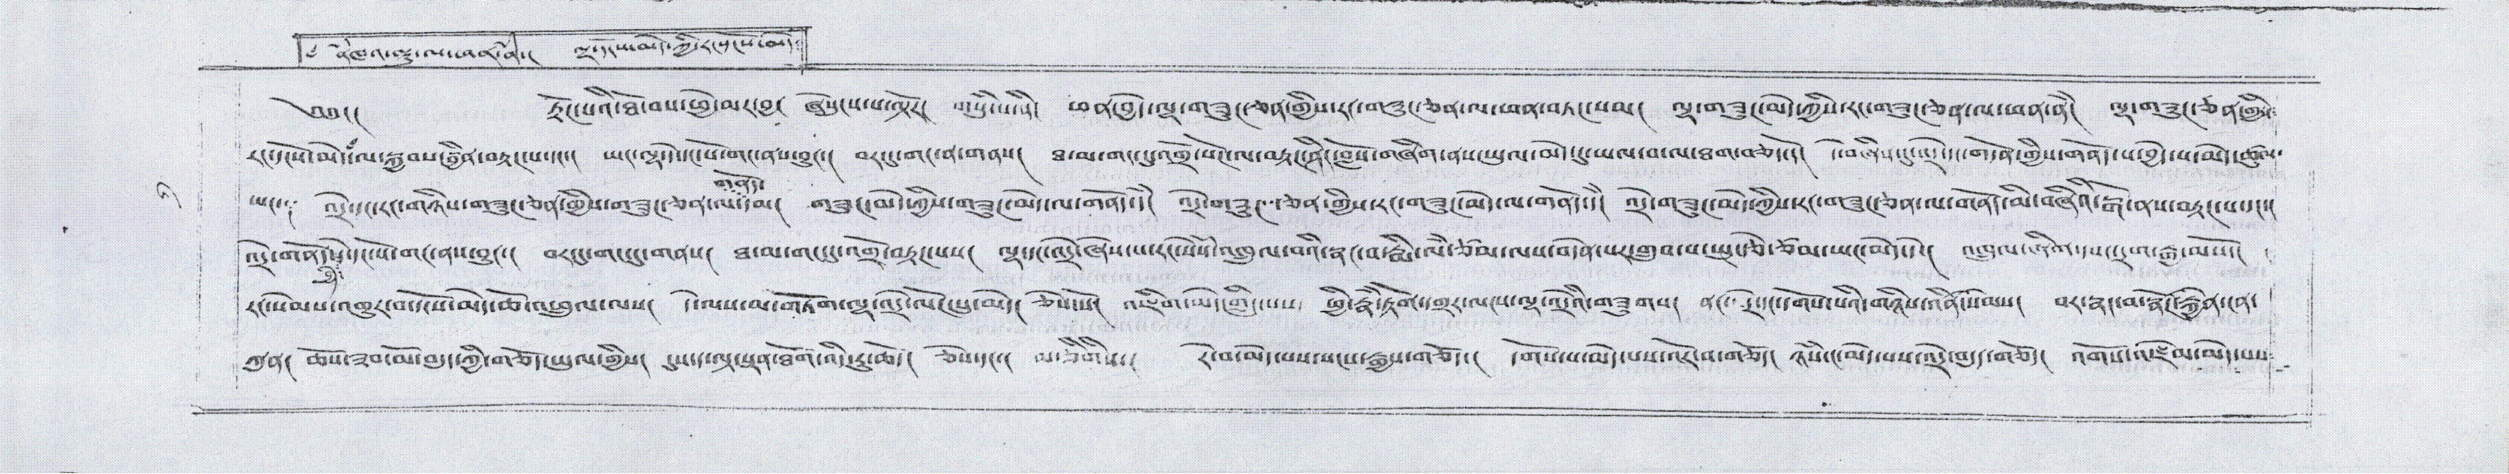རྟོགས་པའི་ཐོ་བས་ཕྱེ་མར་བྱ། ཞེས་གསུངས་པ་ལྟར་རོ། གསུམ་པ་ནི། ཕན་བྱེད་ལྷ་གཟུགས་ཅན་གྱིས་རང་གཟུགས་ཅན་གྱིས་ཕན་བཏགས་སམ། ལྷ་གཟུགས་མེད་ཀྱིས་
རང་གཟུགས་ཅན་ལ་ཕན་ནམ། ལྷ་གཟུགས་ཅན་གྱིས་རང་དངོས་མེད་ནམ་མཁའ་ལྟ་བུ་ལ་ཕན་ནམ། ལྷ་དངོས་མེད་ཀྱིས་རང་དངོས་མེད་ལ་སྐྱབས་སྦྱིན་བཏགས་པ་དང་། ཡང་ལྷ་དེ་དང་པོ་གང་ནས་བྱུང་། བར་དུ་གང་ན་གནས། ཐ་མ་གང་དུ་འགྲོ་སོགས་ལ་བརྟགས་ཤིང་བློས་གཞིགས་ནས་ཡུལ་མེད་དུ་ཡལ་བ་ལ་ཐག་བཅད་དོ། དེ་བཞིན་དུ་འདྲེ་དང་གདོན་གྱི་གནོད་པ་བྱེད་པ་མེད་ཚུལ་
ཡང་། འདྲེ་དང་རང་གཉིས་གཟུགས་ཅན་གྱིས་གཟུགས་ཅན་ལ་གནོད་དམ། གཟུགས་མེད་ཀྱིས་གཟུགས་མེད་ལ་གནོད་དམ། འདྲེ་གཟུགས་ཅན་གྱིས་རང་གཟུགས་མེད་ལ་གནོད་དམ། འདྲེ་གཟུགས་མེད་ཀྱིས་རང་གཟུགས་ཅན་ལ་གནོད་མུ་བཞིའི་སྒོ་ནས་བརྟགས་པ་དང་། 
འདྲེ་གནོད་བྱེད་དེ་དང་པོ་གང་ནས་བྱུང་། བར་དུ་གང་དུ་གནས། ཐ་མ་གང་དུ་འགྲོ་བརྟགས་པས། ལྷ་དང་འདྲེ་ཞེས་པ་རང་སེམས་འཁྲུལ་པའི་སྣང་བ་རྨི་ལམ་ཙམ་ལས་བདེན་པར་གྲུབ་པ་སྤུ་རྩེ་ཙམ་ལས་མེད་དེ། འཁྲུལ་ཞིག་དབང་དྲག་རྒྱ་ལས་སོ། 
རང་སེམས་འགྱུར་བ་དངོས་མེད་ཆོ་འཕྲུལ་ལས། །དེ་ལས་མ་གཏོགས་ལྷ་འདྲེ་ལོགས་སུ་མེད། །ཅེས་སོ། འཇིགས་མེད་གླིང་པས། ཕྱི་རྣམ་རྟོག་དགྲར་ལངས་ལྷ་འདྲེའི་གཟུགས། །ནང་རེ་དང་དྭོགས་པའི་གཉིས་འཛིན་ལས། །བར་སྣང་བ་སྣ་ཚོགས་རྐྱེན་ངན་
ཀུན། །ཆོས་ཟབ་མོ་བདུད་ཀྱི་སྤྱོད་ཡུལ་གྱིས། །དུས་ད་ལྟ་སྟན་ཐོག་འདི་རུ་ཆོད། །ཅེས་དང་། མ་ཅིག་གིས། རེ་བ་མེད་པས་སངས་རྒྱས་གཅོད། །དྭོགས་པ་མེད་པས་འཁོར་བ་གཅོད། །ཉམས་ང་མེད་པས་འདྲེ་བདུད་གཅོད། །འགོས་འཛོལ་མེད་པས་